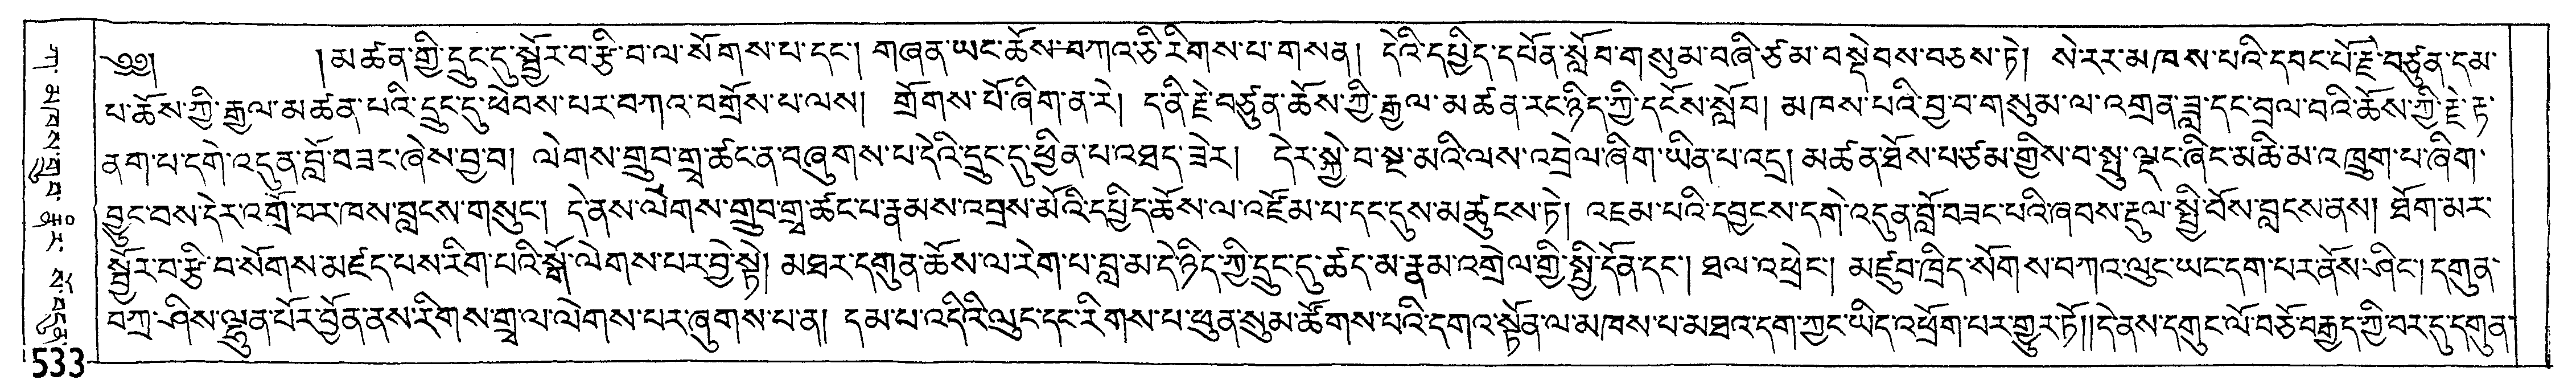༄༅། །མཚན་གྱི་དྲུང་དུ་སྦྱོར་བ་རྩི་བ་ལ་སོགས་པ་དང་། གཞན་ཡང་ཆོས་བཀའ་ཅི་རིགས་པ་གསན། དེའི་དཔྱིད་དཔོན་སློབ་གསུམ་བཞི་ཙམ་བསྡེབས་བཅས་ཏེ། སེ་རར་མཁས་པའི་དབང་པོ་རྗེ་བཙུན་དམ་
པ་ཆོས་ཀྱི་རྒྱལ་མཚན་པའི་དྲུང་དུ་ཕེབས་པར་བཀའ་བགྲོས་པ་ལས། གྲོགས་པོ་ཞིག་ན་རེ། ད་ནི་རྗེ་བཙུན་ཆོས་ཀྱི་རྒྱལ་མཚན་རང་ཉིད་ཀྱི་དངོས་སློབ། མཁས་པའི་བྱ་བ་གསུམ་ལ་འགྲན་ཟླ་དང་བྲལ་བའི་ཆོས་ཀྱི་རྗེ་རྟ་
ནག་པ་དགེ་འདུན་བློ་བཟང་ཞེས་བྱ་བ། ལེགས་གྲུབ་གྲྭ་ཚང་ན་བཞུགས་པ་དེའི་དྲུང་དུ་ཕྱིན་པ་འཐད་ཟེར། དེར་སྐྱེ་བ་སྔ་མའི་ལས་འབྲེལ་ཞིག་ཡིན་པ་འདྲ། མཚན་ཐོས་པ་ཙམ་གྱིས་བ་སྤུ་ལྡང་ཞིང་མཆི་མ་འཁྲུག་པ་ཞིག་
བྱུང་བས་དེར་འགྲོ་བར་ཁས་བླངས་གསུང་། དེ་ནས་ལེགས་གྲུབ་གྲྭ་ཚང་པ་རྣམས་འབྲས་མོའི་དཔྱིད་ཆོས་ལ་འཛོམ་པ་དང་དུས་མཚུངས་ཏེ། འཇམ་པའི་དབྱངས་དགེ་འདུན་བློ་བཟང་པའི་ཞབས་རྡུལ་སྤྱི་བོས་བླངས་ནས། ཐོག་མར་
སྦྱོར་བ་རྩི་བ་སོགས་མཛད་པས་རིག་པའི་སྒོ་ལེགས་པར་བྱེ་སྟེ། མཐར་དགུན་ཆོས་ལ་རེག་པ་བླ་མ་དེ་ཉིད་ཀྱི་དྲུང་དུ་ཚད་མ་རྣམ་འགྲེལ་གྱི་སྤྱི་དོན་དང་། ཐལ་འཕྲེང་། མཛུབ་ཁྲིད་སོགས་བཀའ་ལུང་ཡང་དག་པར་ནོས་ཤིང་། དགུན་
བཀྲ་ཤིས་ལྷུན་པོར་བྱོན་ནས་རིགས་གྲྭ་ལ་ལེགས་པར་ཞུགས་པ་ན། དམ་པ་འདིའི་ལུང་དང་རིགས་པ་ཕུན་སུམ་ཚོགས་པའི་དགའ་སྟོན་ལ་མཁས་པ་མཐའ་དག་ཀྱང་ཡིད་འཕྲོག་པར་གྱུར་ཏོ། །དེ་ནས་དགུང་ལོ་བཅོ་བརྒྱད་ཀྱི་བར་དུ་དགུན་